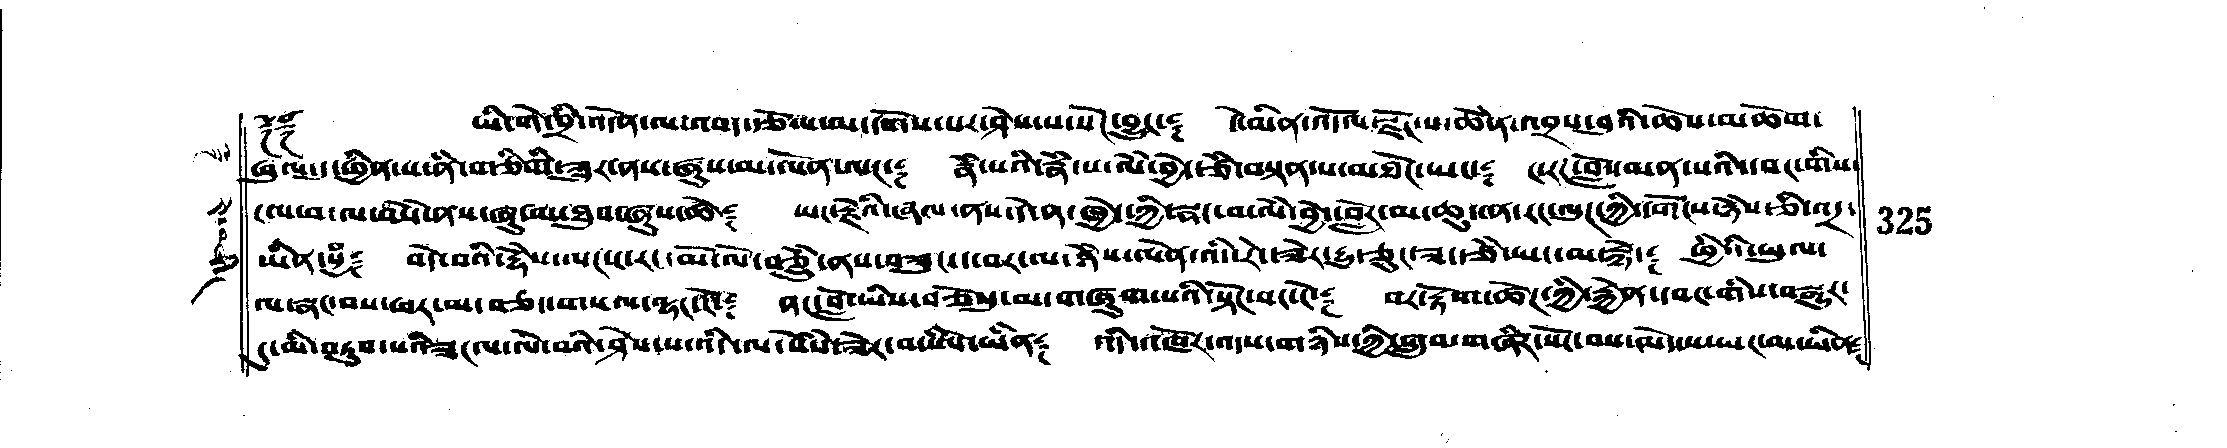ཡི་གེ་བྲི་འདོན་ལ་འབད་རྩོལ་མ་དགོས་པར་ཤེས་པ་སོགས་བྱུང་། དེ་མིན་འོད་གསལ་རྫོགས་པ་ཆེན་པོ་འབྲས་བུའི་ཆོས་མཆོག་
ཕུལ་དུ་ཕྱིན་པ་ནི་གཅིག་གི་ཟུར་ནས་ཞུས་མ་ལོན་ལགས། རྣམ་པའི་རྣམ་པ་ལམ་བྱེད་ཙམ་བསྟན་པ་མཐོང་ཡང་། ང་རང་བློ་དམན་པའི་དབང་གིས་
ངལ་བ་ལ་བསམ་ནས་ཞུ་མ་ཐུབ་ཞུས་ཚེ། ཡང་རྗེའི་ཞལ་ནས་དེ་ན་ཁྱེད་ཀྱི་སྣང་བ་ལམ་བྱེད་བློར་མ་ཆུད་ན་རང་ལུགས་ཀྱི་དགོངས་ཉམས་ཅི་འདྲ་
ཡིན་གསུང་། བདེ་བའི་རྡོ་རྗེས་ལགས་ང་རང་མོ་ལོ་བཅུ་དྲུག་ཙམ་ནས་བཟུང་ད་བར་ལ་ཉམས་ལེན་འདི་རེད་ཟེར་རྒྱུ་ཅུང་ཟད་ཙམ་ཡང་མ་རྙེད། ཕྱིའི་ཡུལ་
ལ་སྣང་བས་ཕར་མ་བཅད་གསལ་ལྷང་ངེ་། ནང་བློ་ཡིས་བཅོས་སུ་མ་གཞུག་པའི་སྟོང་སང་ངེ་། བར་རྟོག་ཚོགས་ཀྱི་རྐྱེན་དབང་གིས་བསྒྱུར་
དུ་མི་བཏུབ་པའི་ཟང་ཐལ་ལེ་བའི་ཤེས་པ་འདི་ལ་སེམས་ཟེར་བ་ཨི་ཡིན། འདི་འཁོར་འདས་གཉིས་ཀྱི་གྲུབ་གཞིར་སོང་བས་མེད་པ་ཡང་མ་ཡིན།